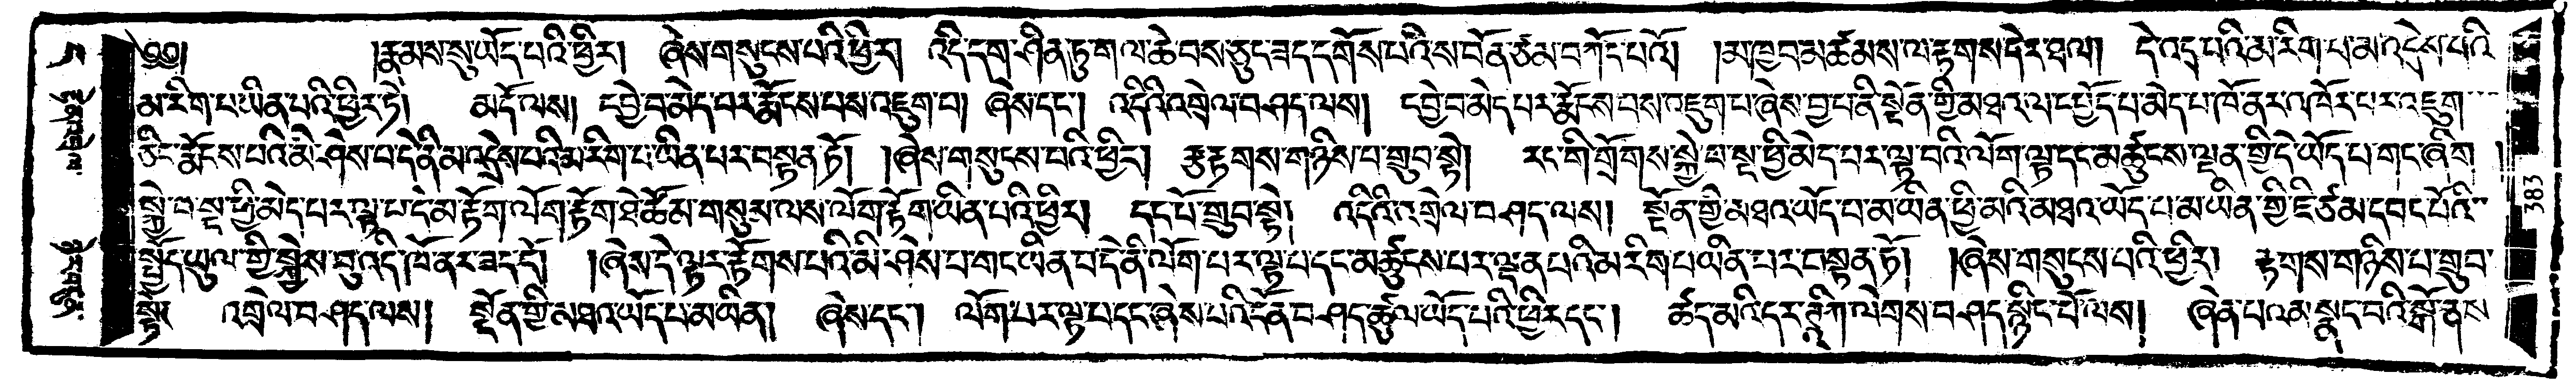༄༅། །རྣམས་སུ་ཡོད་པའི་ཕྱིར། ཞེས་གསུངས་པའི་ཕྱིར། འདི་དག་ཤིན་ཏུ་གལ་ཆེ་བས་ཅུང་ཟད་དགོས་པའི་ས་བོན་ཙམ་བཀོད་པའོ། །མ་ཁྱབ་མཚམས་ལ་རྟགས་དེར་ཐལ། དེ་འདྲ་བའི་མ་རིག་པ་མ་འདྲེས་པའི་
མ་རིག་པ་ཡིན་པའི་ཕྱིར་ཏེ། མདོ་ལས། དབྱེ་བ་མེད་པར་རྨོངས་པས་འཇུག་པ། ཞེས་དང་། འདིའི་འགྲེལ་བཤད་ལས། དབྱེ་བ་མེད་པར་རྨོངས་པས་འཇུག་པ་ཞེས་བྱ་བ་ནི་སྔོན་གྱི་མཐའ་ལ་དཔྱོད་པ་མེད་པ་ཁོ་ནར་འཁོར་པར་འཇུག་
ཅིང་རྨོངས་པའི་མི་ཤེས་པ་དེ་ནི་མ་འདྲེས་པའི་མ་རིག་པ་ཡིན་པར་བསྟན་ཏོ། །ཞེས་གསུངས་པའི་ཕྱིར། རྩ་རྟགས་གཉིས་པ་གྲུབ་སྟེ། རང་གི་གྲོགས་སྐྱེ་བ་སྔ་ཕྱི་མེད་པར་ལྟ་བའི་ལོག་ལྟ་དང་མཚུངས་ལྡན་གྱི་དེ་ཡོད་པ་གང་ཞིག །
སྐྱེ་བ་སྔ་ཕྱི་མེད་པར་ལྟ་པ་དེ་མ་རྟོག་ལོག་རྟོག་ཐེ་ཚོམ་གསུམ་ལས་ལོག་རྟོག་ཡིན་པའི་ཕྱིར། དང་པོ་གྲུབ་སྟེ། འདིའི་འགྲེལ་བཤད་ལས། སྔོན་གྱི་མཐའ་ཡོད་པ་མ་ཡིན་ཕྱི་མའི་མཐའ་ཡོད་པ་མ་ཡིན་གྱི་ཇི་ཙམ་དབང་པོའི་
སྤྱོད་ཡུལ་གྱི་སྐྱེས་བུ་འདི་ཁོ་ནར་ཟད་དོ། །ཞེས་དེ་ལྟར་རྟོགས་པའི་མི་ཤེས་པ་གང་ཡིན་པ་དེ་ནི་ལོག་པར་ལྟ་བ་དང་མཚུངས་པར་ལྡན་པའི་མ་རིག་པ་ཡིན་པར་བསྟན་ཏོ། །ཞེས་གསུངས་པའི་ཕྱིར། རྟགས་གཉིས་པ་གྲུབ་
སྟེ༑ འགྲེལ་བཤད་ལས། སྔོན་གྱི་མཐའ་ཡོད་པ་མ་ཡིན། ཞེས་དང་། ལོག་པར་ལྟ་བ་དང་ཞེས་པའི་དོན་བཤད་ཚུལ་ཡོད་པའི་ཕྱིར་དང་། ཚད་མའི་དར་ཊཱིཀ་ལེགས་བཤད་སྙིང་པོ་ལས། ཞེན་པའམ་སྣང་བའི་སྒོ་ནས་